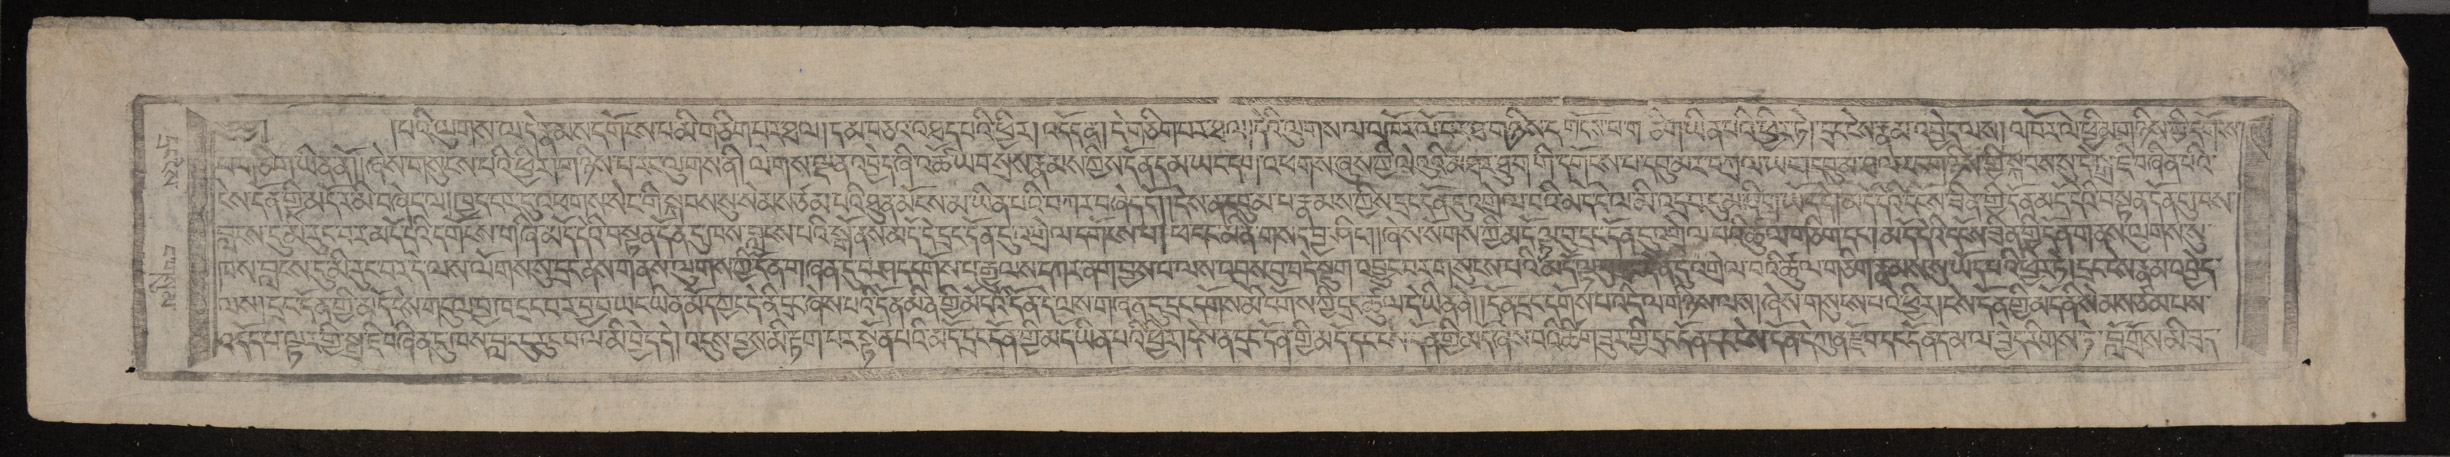༄༅། །པའི་ལུགས་ལ་དེ་རྣམས་དགོངས་པ་མི་གཅིག་པར་ཐལ། དམ་བཅའ་འཐད་པའི་ཕྱིར། འདོད་ན། དེ་གཅིག་པར་ཐལ། དེའི་ལུགས་ལ་འཁོར་ལོ་བར་ཐ་གཉིས་དགོངས་པ་གཅིག་ཡིན་པའི་ཕྱིར་ཏེ། དྲང་ངེས་རྣམ་འབྱེད་ལས། འཁོར་ལོ་ཕྱི་མ་གཉིས་ཀྱི་དགོངས་
པ་གཅིག་ཡིན་ནོ། །ཞེས་གསུངས་པའི་ཕྱིར། གཉིས་པ་རང་ལུགས་ནི། ལེགས་ལྡན་འབྱེད་ཞི་འཚོ་ཡབ་སྲས་རྣམས་ཀྱིས་དོན་དམ་ཡང་དག་འཕགས་ཞུས་ཀྱི་ལེའུའི་མཐར་ཐུག་གི་དགོངས་པ་དབུ་མར་བཀྲལ་ཡང་། དབུ་མ་ཐལ་རང་གཉིས་གྱི་སྐབས་སུ་དེ་སྒྲ་ཇི་བཞིན་པའི་
ངེས་དོན་གྱི་མདོར་མི་བཞེད་ལ། ཁྱད་པར་དུ་འཕགས་སེང་གི་སྐབས་སུ་སེམས་ཙམ་པའི་ཐུན་མོངས་མ་ཡིན་པའི་བཀར་བཞེད་དོ། །དེས་ན་དབུ་མ་པ་རྣམས་ཀྱིས་དྲང་དོན་དུ་འགྲེལ་བའི་མདོ་དེ་ལ་མི་འདྲ་བ་དུ་མ་ཞིག་ཡོད་དེ། མདོ་དེའི་དངོས་ཟིན་གྱི་དོན་མདོ་དེའི་བསྟན་དོན་དུ་ཁས་
བླངས་དུ་མི་རུང་བར་མདོ་དེའི་དགོངས་གཞི་མདོ་དེའི་བསྟན་དོན་དུ་ཁས་བླངས་པའི་སྒོ་ནས་མདོ་དེ་དྲང་དོན་དུ་འགྲེལ་དགོས་པ། ཕ་དང་མི་ན་གསད་བྱ་ཤིང་། །ཞེས་སོགས་ཀྱི་མདོ་ལྟ་བུ་དྲང་དོན་དུ་འགྲེལ་པའི་ཚུལ་གཅིག་དང་། མདོ་དེའི་དངོས་ཟིན་གྱི་དོན་གནས་ལུགས་སུ་
ཁས་བླངས་དུ་མི་རུང་བར་དེ་ལས་ལོགས་སུ་དྲང་ནས་གནས་ལུགས་ཀྱི་དོན་གཞན་དུ་བཤད་དགོས་པ་རྒྱུ་ལས་དཀར་ནག་བྱས་པ་ལས་འབྲས་བུ་བདེ་སྡུག་འབྱུང་བར་གསུངས་པའི་མདོ་ལྟ་བུ་དྲང་དོན་དུ་འགྲེལ་བའི་ཚུལ་གཅིག་རྣམས་སུ་ཡོད་པའི་ཕྱིར་ཏེ། དྲང་ངེས་རྣམ་འབྱེད་
ལས། དྲང་དོན་གྱི་མདོ་དེས་གདུལ་བྱ་ཁ་དྲང་བར་བྱ་བ་ཡང་ཡིན་མདོ་ཀྱང་དེ་ནི་དྲང་ཞེས་པའི་དོན་མིན་གྱི་མདོའི་དོན་དེ་ལས་གཞན་དུ་དྲང་དགོས་མི་དགོས་ཀྱི་དྲང་ཚུལ་དེ་ཡིན་ནོ། །དོན་དྲང་དགོས་པ་འདི་ལ་གཉིས་ལས། ཞེས་གསུངས་པའི་ཕྱིར། ངེས་དོན་གྱི་མདོ་ནི་སེམས་ཙམ་པས་
འདོད་པ་ལྟར་གྱི་སྒྲ་ཇི་བཞིན་དུ་ཁས་བླང་དུ་རུང་བ་ལ་མི་བྱེད་དེ། འདུས་བྱས་མི་རྟག་པར་སྟོན་པའི་མདོ་དྲང་དོན་གྱི་མདོ་ཡིན་པའི་ཕྱིར། དེས་ན་དྲང་དོན་གྱི་མདོ་དང་ངེས་དོན་གྱི་མདོ་ཞེས་པའི་ཚིག་ཟུར་གྱི་དྲང་དོན་དང་ངེས་དོན་དེ་ཀུན་རྫོབ་དང་དོན་དམ་ལ་བྱེད་རིགས་ཏེ། བློ་གྲོས་མི་ཟད་